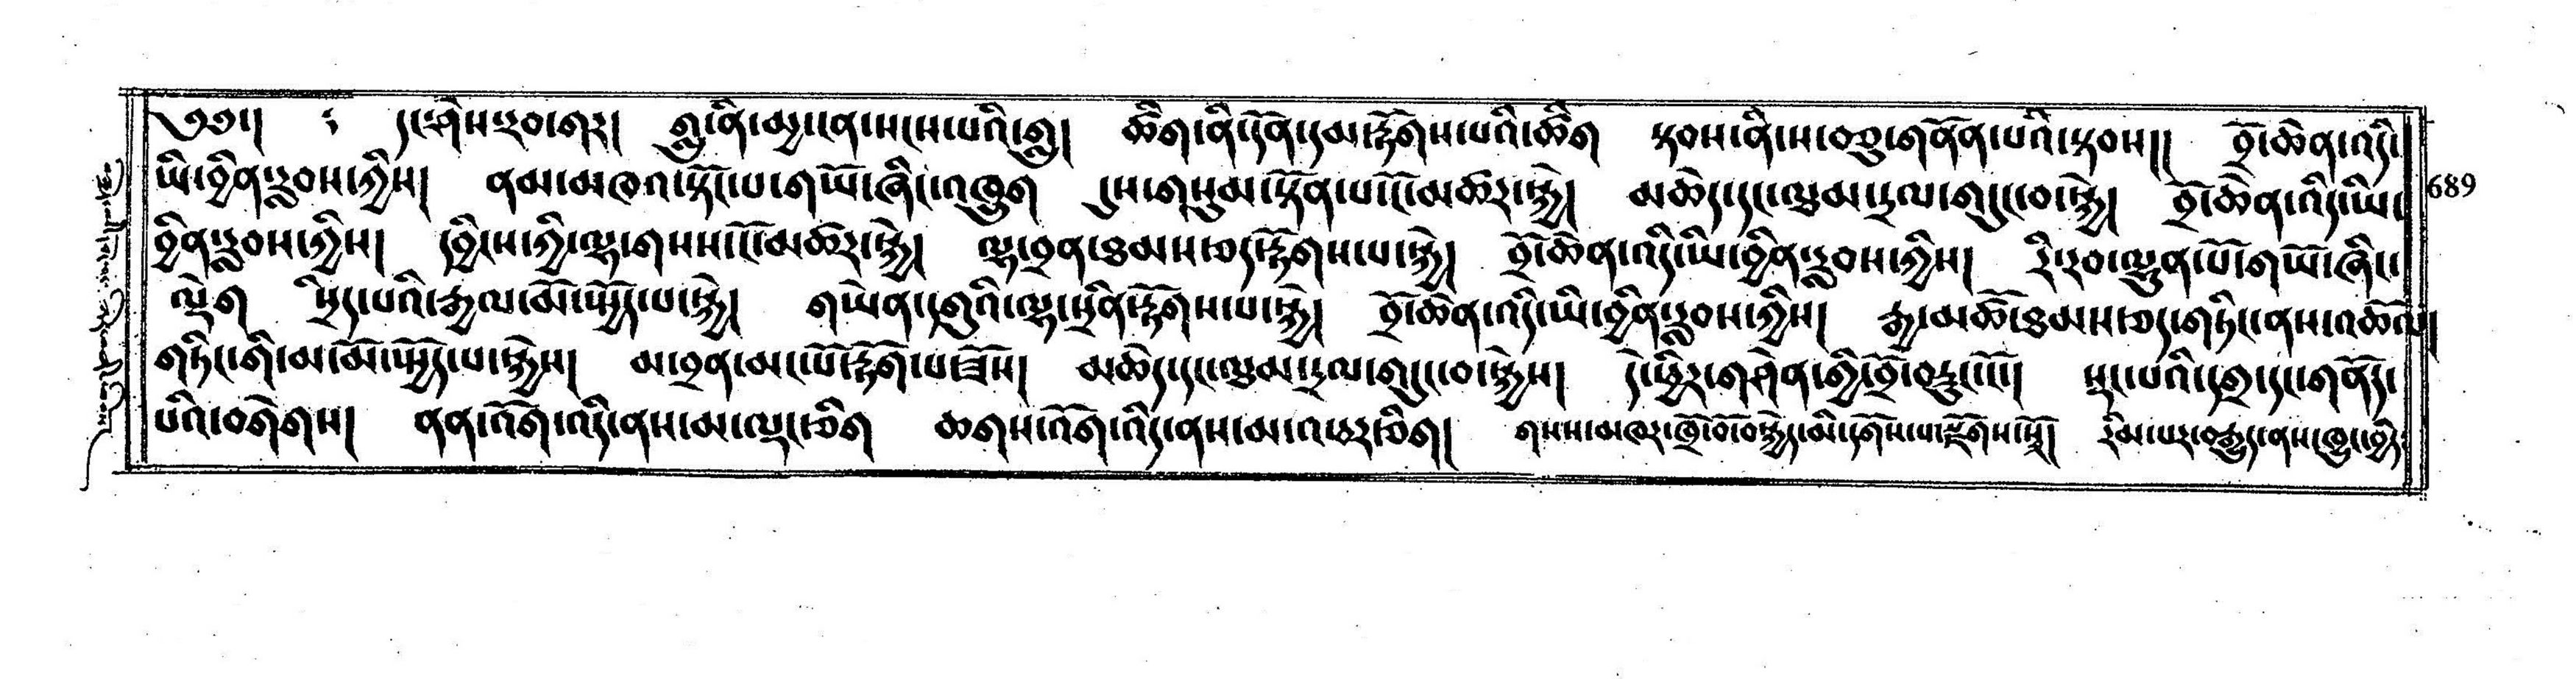དང་ཤེས་རབ་གར། གླུ་ནི་མྱ་ངན་སངས་པའི་གླུ། ཚིག་ནི་དོན་དམ་རྟོགས་པའི་ཚིག སྟབས་ནི་ས་བཅུ་གནོན་པའི་སྟབས།། བྲོ་ཆེན་འདི་
ཡི་བྱིན་རླབས་ཀྱིས། ནམ་མཁའ་སྟོང་པ་གཡོ་ཞིང་འཁྲུག དུས་གསུམ་སྟོན་པ་ངོ་མཚར་སྐྱེ། མཆེད་དང་ལྕམ་དྲལ་གདུང་བ་སྐྱེ། བྲོ་ཆེན་འདི་ཡི་
བྱིན་རླབས་ཀྱིས། དབྱིངས་ཀྱི་ལྷ་གསས་ངོ་མཚར་སྐྱེ། ལྷ་བྲན་ཐམས་ཅད་རྟོགས་པ་སྐྱེ། བྲོ་ཆེན་འདི་ཡི་བྱིན་རླབས་ཀྱིས། རི་རབ་ལྷུན་པོ་གཡོ་ཞིང་
ལྡེག སྲིད་པའི་རྒྱལ་མོ་སྤྱོད་པ་སྐྱེ། གཡེན་དགུའི་ལྷ་སྲིན་རྟོགས་པ་སྐྱེ། བྲོ་ཆེན་འདི་ཡི་བྱིན་རླབས་ཀྱིས། རྒྱ་མཚོ་ཐམས་ཅད་གཏིང་ནས་འཆོལ། 
གཏིང་གི་མ་མོ་སྤྱོད་པ་སྐྱེས། མ་བྲན་མང་པོ་རྟོག་པ་ཟོས། མཆེད་དང་ལྕམ་དྲལ་གདུང་བ་སྐྱེས། དེ་ཕྱིར་གཤེན་གྱི་བྲོ་བརྡུང་ངོ་། སྡང་པའི་དགྲ་དང་གནོད་
པའི་བགེགས། ནན་འོག་འདི་ནས་མ་ལྡང་ཅིག ཆགས་འོག་འདི་ནས་མ་འཕར་ཅིག གསས་མཁར་ཁྲོ་བོ་བསྐྱེད་མི་དགོས་པ་རྫོགས་སྭཱོ། རིམ་པར་བརྒྱུད་ནས་ཁྱུང་བྱེད་